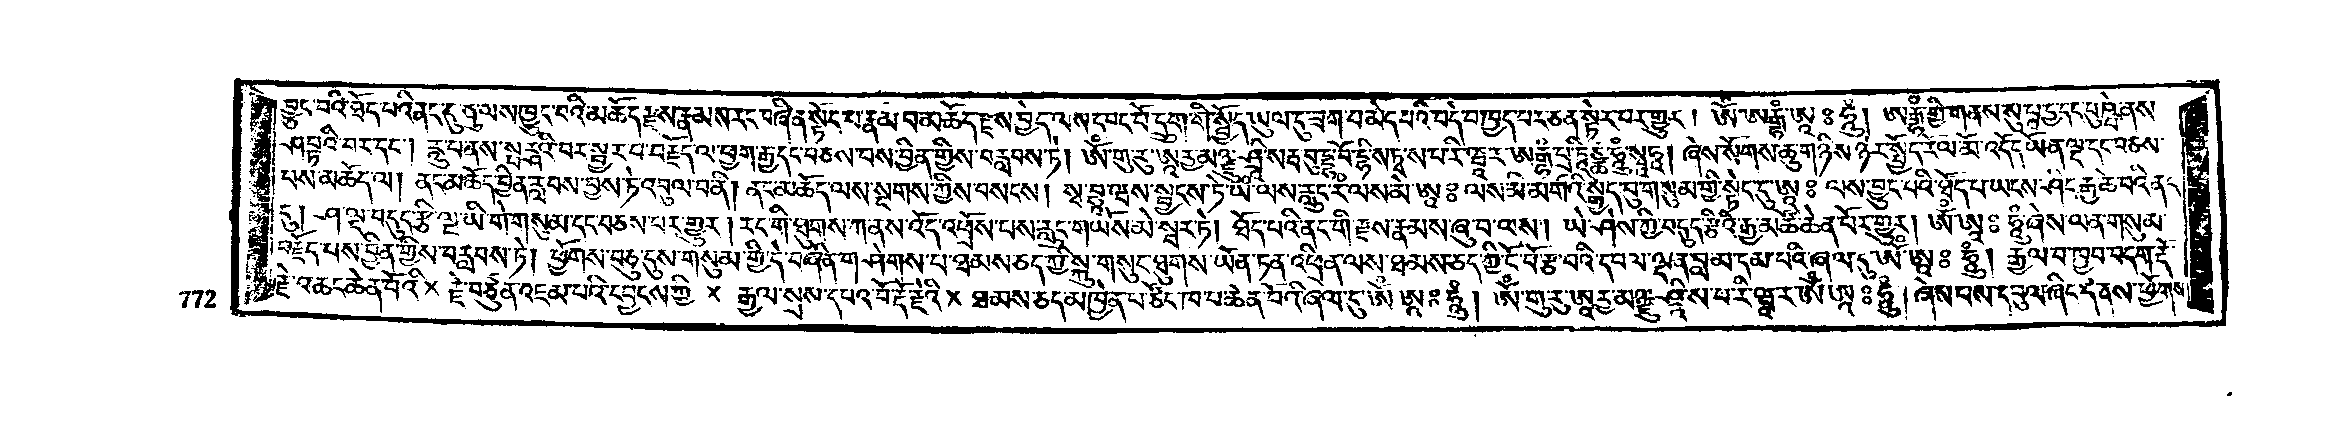བྱུང་བའི་ཐོད་པའི་ནང་དུ་ཅུ་ལས་ཁྱུང་བའི་མཆོད་རྫས་རྣམས་རང་བཞིན་སྟོང་པ་རྣམ་པ་མཆོད་རྫས་བྱེད་ལས་དབང་པོ་དྲུག་གི་སྤྱོད་ཡུལ་དུ་ཟག་པ་མེད་པའི་བདེ་བ་ཁྱད་པར་ཅན་སྟེར་བར་གྱུར། ཨོཾ་ཨརྒྷཾ་ཨཱཿ ཧཱུཾ། ཨརྒྷཾ་གྱི་གནས་སུ་པཱ་དཡ་དང་པུ་ཥྤེ་ནས་
ཤཔྟའི་བར་དང་། རཱུ་པ་ནས་སྤརཤའི་བར་སྦྱར་བ་བརྗོད་ལ་ཕྱག་རྒྱ་དང་བཅས་པས་བྱིན་གྱིས་བརླབས་ཏེ། ཨོཾ་གུ་རུ་ཨཱརཡ་མཉྫུ་ཤྲཱི་སརྦ་བུ་དྡྷ་བོ་དྷི་སཏྭ་ས་པ་རི་ཝཱ་ར་ཨརྒྷཾ་པྲ་ཏཱི་ཙྪ་ཧཱུཾ་སྭཱ་ཧཱ། ཞེས་སོགས་ཅུ་གཉིས་ཉེར་སྤྱོད་རོལ་མོ་འདོད་ཡོན་ལྔ་དང་བཅས་
པས་མཆོད་ལ། ནང་མཆོད་བྱིན་རླབས་བྱས་ཏེ་འབུལ་བ་ནི། ནང་མཆོད་ལས་སྔགས་ཀྱིས་བསངས། སྭ་བྷཱ་ཝས་སྦྱངས་ཏེ་ཡཾ་ལས་རླུང་རཾ་ལས་མེ་ཨཱཿ ལས་མི་མགའི་སྒྱེད་བུ་གསུམ་གྱི་སྟེང་དུ་ཨཱཿ ལས་བྱུང་བའི་ཐོད་པ་ཡངས་ཤིང་རྒྱ་ཆེ་བའི་ནང་
དུ། ཤ་ལྔ་བདུད་རྩི་ལྔ་ཡི་གེ་གསུམ་དང་བཅས་པར་གྱུར། རང་གི་ཐུགས་ཀ་ནས་འོད་འཕྲོས་པས་རླུང་གཡོས་མེ་སྦར་ཏེ། ཐོད་པའི་ནང་གི་རྫས་རྣམས་ཞུ་བ་ལས། ཡེ་ཤེས་ཀྱི་བདུད་རྩིའི་རྒྱ་མཚོ་ཆེན་པོར་གྱུར། ཨོཾ་ཨཱཿ ཧཱུཾ་ཞེས་ལན་གསུམ་
བརྗོད་པས་བྱིན་གྱིས་བརླབས་ཏེ། ཕྱོགས་བཅུ་དུས་གསུམ་གྱི་དེ་བཞིན་གཤེགས་པ་ཐམས་ཅད་ཀྱི་སྐུ་གསུང་ཐུགས་ཡོན་ཏན་འཕྲིན་ལས་ཐམས་ཅད་ཀྱི་ངོ་བོ་རྩ་བའི་དཔལ་ལྡན་བླ་མ་དམ་པའི་ཞལ་དུ་ཨོཾ་ཨཱཿ ཧཱུཾ། རྒྱལ་བ་ཁྱབ་བདག་རྡོ་
རྗེ་འཆང་ཆེན་པོའི་྾་རྗེ་བཙུན་འཇམ་པའི་དབྱངས་ཀྱི་྾་རྒྱལ་སྲས་དཔའ་བོ་རྡོ་རྗེའི་྾་ཐམས་ཅད་མཁྱེན་པ་ཙོང་ཁ་པ་ཆེན་པོའི་ཞལ་དུ་ཨོཾ་ཨཱཿ ཧཱུཾ། ཨོཾ་གུ་རུ་ཨཱ་རཡ་མཉྫུ་ཤྲཱིས་པ་རི་ཝཱ་ར་ཨོཾ་ཨཱཿ ཧཱུཾ། ཞེས་པས་དབུལ་ཞིང་དེ་ནས་ཕྱོགས་